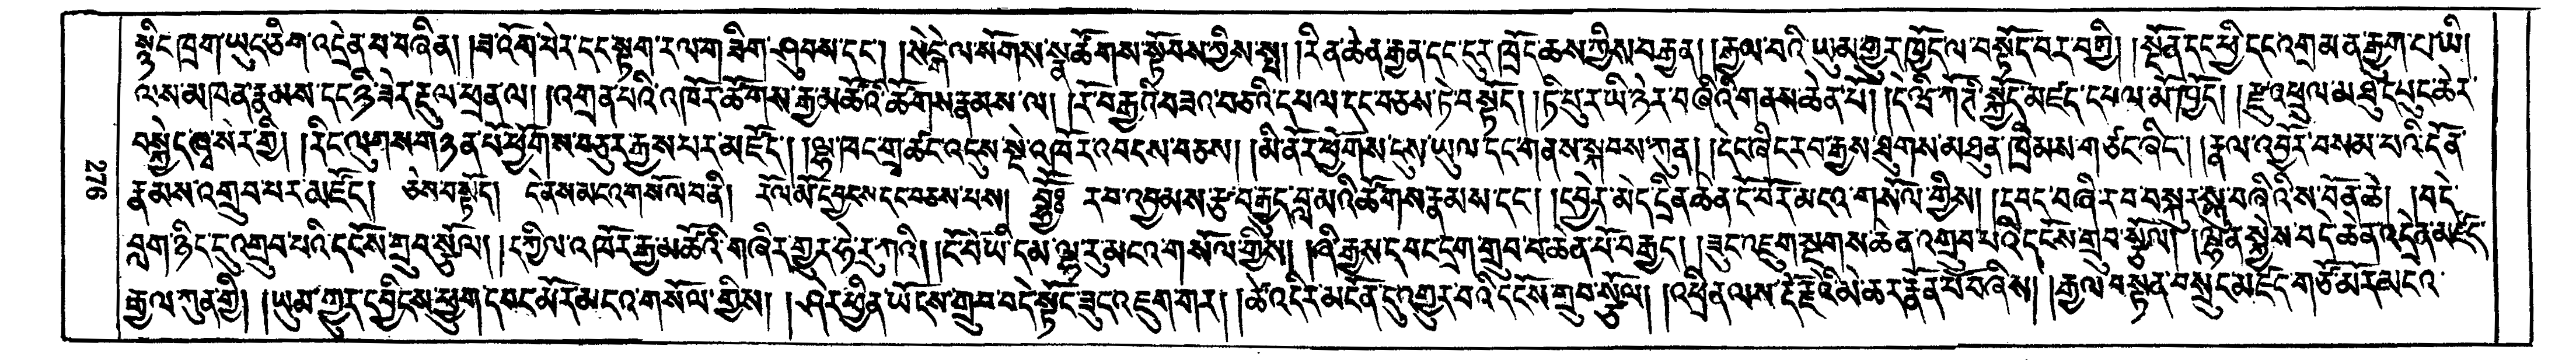སྙིང?་ཁྲག་ཡུད་ཅིག་འདྲེན་པ་བཞིན། །ཟ་འོག་བེར་དང་སྟག་རལ་གཟིག་ཤུབས་དང་། །སེངྒེ་ལ་སོགས་སྣ་ཚོགས་སྟོབས་ཀྱིས་སྤ། །རིན་ཆེན་རྒྱན་དང་དུར་ཁྲོད་ཆས་ཀྱིས་བརྒྱན། །རྒྱལ་བའི་ཡུམ་གྱུར་ཁྱོད་ལ་བསྟོད་པར་བགྱི། །སྔོན་དང་ཕྱི་དང་འགྲམ་ན་རྒྱུག་པ་ཡི།།
ལས་མཁན་རྣམས་དང་ཉི་ཟེར་རྡུལ་ཕྲན་ལ། །འགྲན་པའི་འཁོར་ཚོགས་རྒྱ་མཚོའི་ཚོགས་རྣམས་ལ། །རོ་བརྒྱའི་བཟའ་བཅའི་དཔལ་དང་བཅས་ཏེ་བསྟོད། །ཏི་པུ་ར་ཡི་ཉེར་བཞིའི་གནས་ཆེན་པོ། །དེ་ཝི་ཀོཊི་སྐྱོང་མཛད་དཔལ་མོ་ཁྱོད། །རྫུ་འཕྲུལ་མཐུ་དཔུང་ཆེར་
བསྐྱེད་ཞྭ་སེར་གྱི། །རིང་ལུགས་གཉན་པོ་ཕྱོགས་བཅུར་རྒྱས་པར་མཛོད། །ལྷ་ཁང་གྲྭ་ཚང་འདུས་སྡེ་འཁོར་འབངས་བཅས། །མི་ནོར་ཕྱོགས་དུས་ཡུལ་དང་གནས་སྐབས་ཀུན། །དར་ཞིང་རབ་རྒྱས་ཐུགས་མཐུན་ཁྲིམས་གཙང་ཞིང་། །རྣལ་འབྱོར་བསམ་པའི་དོན་
རྣམས་འགྲུབ་པར་མཛོད། ཅེས་བསྟོད། དེ་ནས་མངའ་གསོལ་བ་ནི། རོལ་མོ་དབྱངས་དང་བཅས་པས། བྷྱཽཿ རབ་འབྱམས་རྩ་བརྒྱུད་བླ་མའི་ཚོགས་རྣམས་དང་། །དབྱེར་མེད་དྲིན་ཆེན་ངོ་བོར་མངའ་གསོལ་གྱིས། །དབང་བཞི་རབ་བསྐུར་སྐུ་བཞིའི་ས་བོན་ཆེ། །བདེ་
བླ་གཉིད་དུ་འགྲུབ་པའི་དངོས་གྲུབ་སྩོལ། །དཀྱིལ་འཁོར་རྒྱ་མཚོའི་གཞིར་གྱུར་ཧེ་རུ་ཀའི། །ངོ་བོ་ཡི་དམ་ལྷ་རུ་མངའ་གསོལ་གྱིས། །ཞི་རྒྱས་དབང་དྲག་གྲུབ་པ་ཆེན་པོ་བརྒྱད། །ཟུང་འཇུག་སྔགས་ཆེན་འགྲུབ་པའི་དངོས་གྲུབ་སྩོལ། །ལྷན་སྐྱེས་བདེ་ཆེན་འདྲེན་མཛད་
རྒྱལ་ཀུན་གྱི། །ཡུམ་གྱུར་དབྱིངས་ཕྱུག་དབང་མོར་མངའ་གསོལ་གྱིས། །ཤེར་ཕྱིན་ཡོངས་གྲུབ་བདེ་སྟོང་ཟུང་འཇུག་གར། །ཚེ་འདིར་མངོན་དུ་འགྱུར་བའི་དངོས་གྲུབ་སྩོལ། །འཕྲིན་ལས་རྡོ་རྗེའི་མེ་ཆར་རྣོན་པོ་བཞིས། །རྒྱལ་བསྟན་བསྲུང་མཛད་གཙོ་མོར་མངའ་